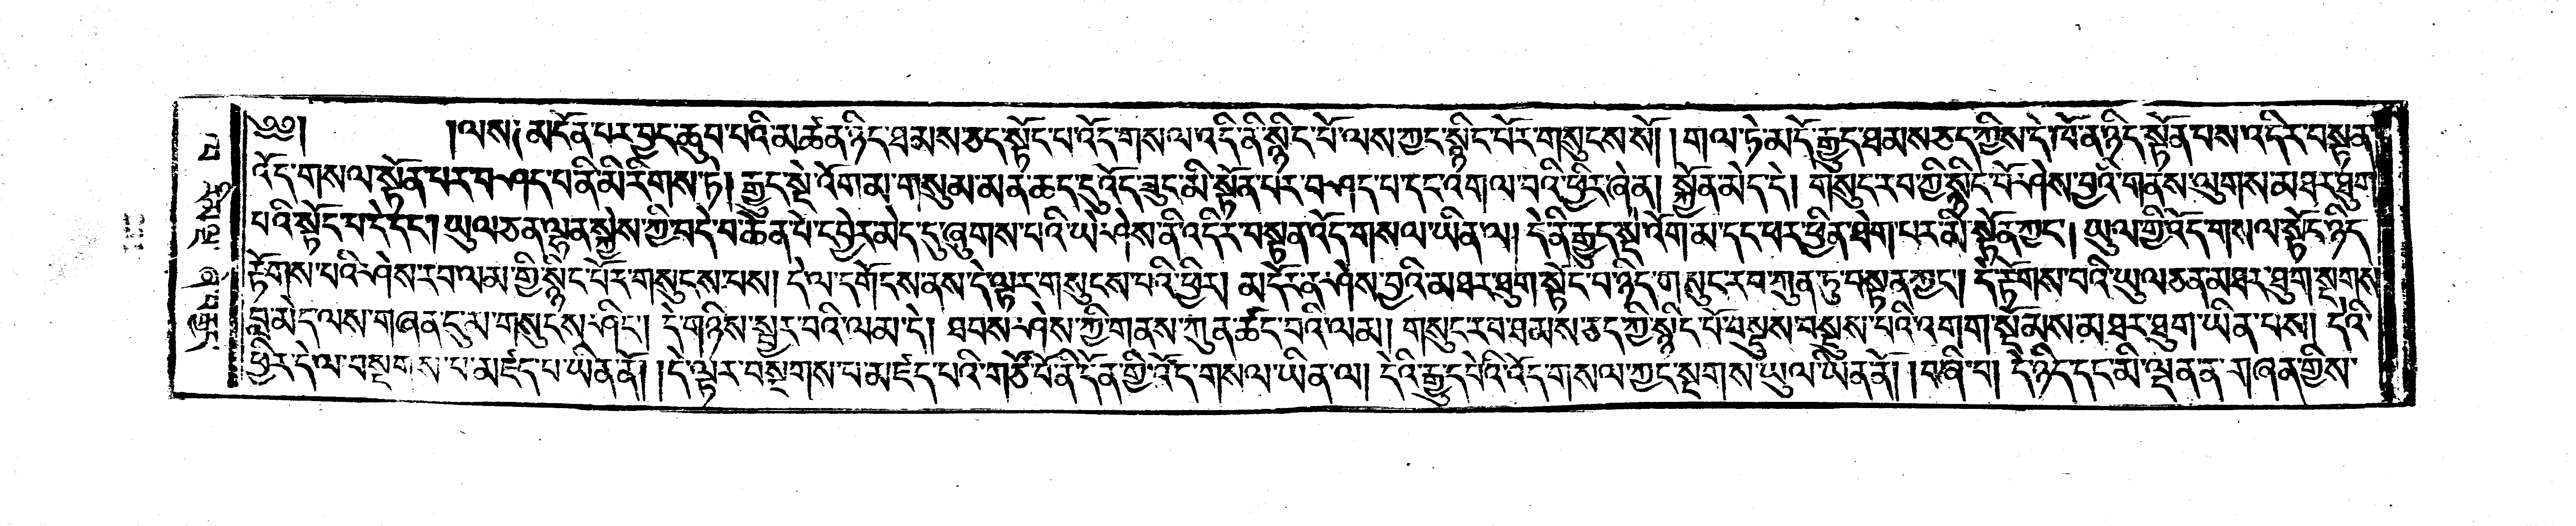༄༅། །ལས༑ མངོན་པར་བྱང་ཆུབ་པའི་མཚན་ཉིད་ཐམས་ཅད་སྟོང་པ་འོད་གསལ་འདི་ནི་སྙིང་པོ་ལས་ཀྱང་སྙིང་པོར་གསུངས་སོ། །གལ་ཏེ་མདོ་རྒྱུད་ཐམས་ཅད་ཀྱིས་དེ་ཁོ་ན་ཉིད་སྟོན་པས་འདིར་བསྟན་
འོད་གསལ་སྟོན་པར་བཤད་པ་ནི་མི་རིགས་ཏེ། རྒྱུད་སྡེ་འོག་མ་གསུམ་མན་ཆད་དུ་འོད་ཟུང་མི་སྟོན་པར་བཤད་པ་དང་འགལ་བའི་ཕྱིར་ཞེ་ན། སྐྱོན་མེད་དེ། གསུང་རབ་ཀྱི་སྙིང་པོ་ཤེས་བྱའི་གནས་ལུགས་མཐར་ཐུག་
པའི་སྟོང་པ་དེ་དང་། ཡུལ་ཅན་ལྷན་སྐྱེས་ཀྱི་བདེ་བ་ཆེན་པོ་དབྱེར་མེད་དུ་ཞུགས་པའི་ཡེ་ཤེས་ནི་འདིར་བསྟན་འོད་གསལ་ཡིན་ལ། དེ་ནི་རྒྱུད་སྡེ་འོག་མ་དང་ཕར་ཕྱིན་ཐེག་པར་མི་སྟོན་ཀྱང་། ཡུལ་གྱི་འོད་གསལ་སྟོང་ཉིད་
རྟོགས་པའི་ཤེས་རབ་ལམ་གྱི་སྙིང་པོར་གསུངས་པས། དེ་ལ་དགོངས་ནས་དེ་ལྟར་གསུངས་པའི་ཕྱིར། མདོར་ན་ཤེས་བྱའི་མཐར་ཐུག་སྟོང་པ་ཉིད་གསུང་རབ་ཀུན་ཏུ་བསྟན་ཀྱང་། དེ་རྟོགས་པའི་ཡུལ་ཅན་མཐར་ཐུག་སྔགས་
བླ་མེད་ལས་གཞན་དུ་མ་གསུངས་ཤིང་། དེ་གཉིས་སྦྱར་བའི་ལམ་དེ། ཐབས་ཤེས་ཀྱི་གནས་ཀུན་ཚང་བའི་ལམ། གསུང་རབ་ཐམས་ཅད་ཀྱི་སྙིང་པོ་བསྡུས་བསྡུས་པའི་འགག་སྔོམས་མཐར་ཐུག་ཡིན་པས། དེའི་
ཕྱིར་དེ་ལ་བསྔགས་པ་མཛད་པ་ཡིན་ནོ། །དེ་ལྟར་བསྔགས་པ་མཛད་པའི་གཙོ་བོ་ནི་དོན་གྱི་འོད་གསལ་ཡིན་ལ། དེའི་རྒྱུ་དཔེའི་འོད་གསལ་ཀྱང་སྔགས་ཡུལ་ཡིན་ནོ། །བཞི་པ། དེ་ཉིད་དང་མི་ལྡན་ན་གཞན་གྱིས་